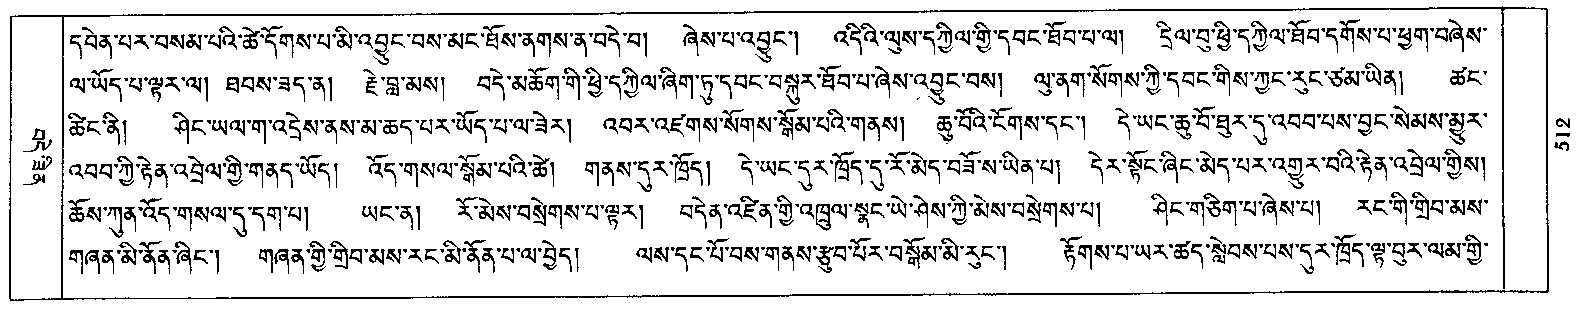དབེན་པར་བསམ་པའི་ཏེས་དོགས་པ་མི་འབྱུང་བས་མང་ཐོས་ནགས་ན་བདེ་བ། ཞེས་པ་འབྱུང་། འདིའི་ལུས་དཀྱིལ་གྱི་དབང་ཐོབ་པ་ལ། དྲིལ་བུ་ཕྱི་དཀྱིལ་ཐོབ་དགོས་པ་ཕྱག་བཞེས་
ལ་ཡོད་པ་ལྟར་ལ། ཐབས་ཟད་ན། རྗེ་བླ་མས། བདེ་མཆོག་གི་ཕྱི་དཀྱིལ་ཞིག་ཏུ་དབང་བསྐུར་ཐོབ་པ་ཞེས་འབྱུང་བས། ལུ་ནག་སོགས་ཀྱི་དབང་གིས་ཀྱང་རུང་ཙམ་ཡིན། ཚང་
ཚིང་ནི། ཤིང་ཡལ་ག་འདྲེས་ནས་མ་ཆད་པར་ཡོད་པ་ལ་ཟེར། འབར་འཛགས་སོགས་སྒོམ་པའི་གནས། ཆུ་བོའི་ངོགས་དང་། དེ་ཡང་ཆུ་བོ་ཐུར་དུ་འབབ་པས་བྱང་སེམས་མྱུར་
འབབ་ཀྱི་རྟེན་འབྲེལ་གྱི་གནད་ཡོད། འོད་གསལ་སྒོམ་པའི་ཚེ། གནས་དུར་ཁྲོད། དེ་ཡང་དུར་ཁྲོད་དུ་རོ་མེད་བཟོ་ས་ཡིན་པ། དེར་སྟོང་ཞིང་མེད་པར་འགྱུར་བའི་རྟེན་འབྲེལ་གྱིས།
ཆོས་ཀུན་འོད་གསལ་དུ་དག་པ། ཡང་ན། རོ་མེས་བསྲེགས་པ་ལྟར། བདེན་འཛིན་གྱི་འཁྲུལ་སྣང་ཡེ་ཤེས་ཀྱི་མེས་བསྲེགས་པ། ཤིང་གཅིག་པ་ཞེས་པ། རང་གི་གྲིབ་མས་
གཞན་མི་ནོན་ཞིང་། གཞན་གྱི་གྲིབ་མས་རང་མི་ནོན་པ་ལ་བྱེད། ལས་དང་པོ་བས་གནས་རྩུབ་པོར་བསྒོམ་མི་རུང་། རྟོགས་པ་ཡར་ཚད་སླེབས་པས་དུར་ཁྲོད་ལྟ་བུར་ལམ་གྱི་